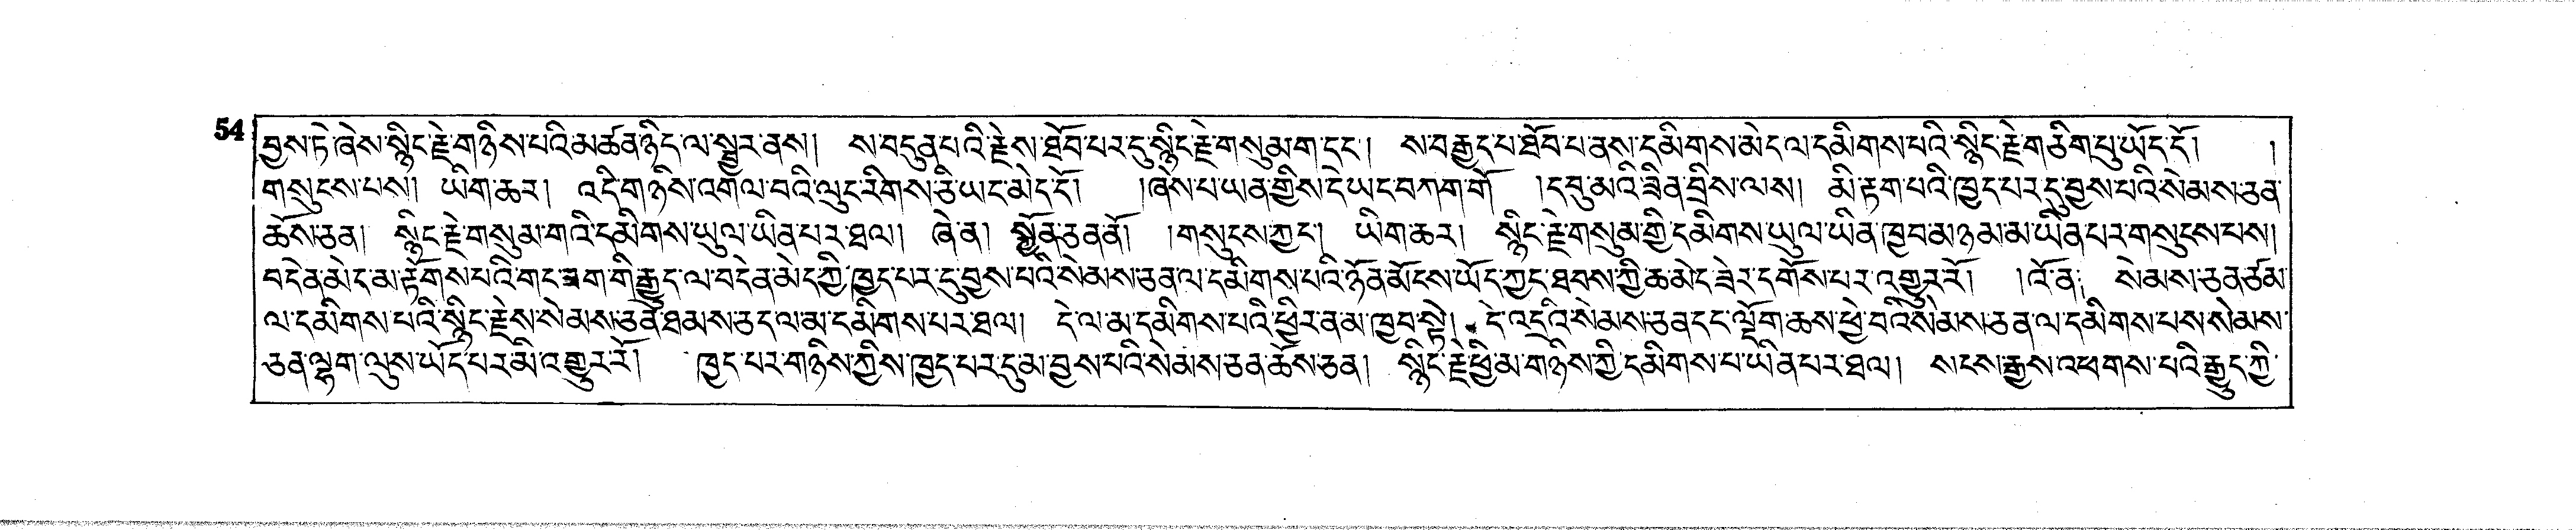བྱས་ཏེ་ཞེས་སྙིང་རྗེ་གཉིས་པའི་མཚན་ཉིད་ལ་སྦྱར་ནས། ས་བདུན་པའི་རྗེས་ཐོབ་པར་དུ་སྙིང་རྗེ་གསུམ་ག་དང་། ས་བརྒྱད་པ་ཐོབ་པ་ནས་དམིགས་མེད་ལ་དམིགས་པའི་སྙིང་རྗེ་གཅིག་པུ་ཡོད་དོ། །
གསུངས་པས། ཡིག་ཆར། འདི་གཉིས་འགལ་བའི་ལུང་རིགས་ཅི་ཡང་མེད་དོ། །ཞེས་པ་ཡན་གྱིས་དེ་ཡང་བཀག་གོ །དབུ་མའི་ཟིན་བྲིས་ལས། མི་རྟག་པའི་ཁྱད་པར་དུ་བྱས་པའི་སེམས་ཅན་
ཆོས་ཅན། སྙིང་རྗེ་གསུམ་གའི་དམིགས་ཡུལ་ཡིན་པར་ཐལ། ཞེ་ན། སྐྱོན་ཅན་ནོ། །གསུངས་ཀྱང་། ཡིག་ཆར། སྙིང་རྗེ་གསུམ་གྱི་དམིགས་ཡུལ་ཡིན་ཁྱབ་མཉམ་མ་ཡིན་པར་གསུངས་པས།
བདེན་མེད་མ་རྟོགས་པའི་གང་ཟག་གི་རྒྱུད་ལ་བདེན་མེད་ཀྱི་ཁྱད་པར་དུ་བྱས་པའི་སེམས་ཅན་ལ་དམིགས་པའི་ཉོན་མོངས་ཡོད་ཀྱང་ཐབས་ཀྱི་ཆ་མེད་ཟེར་དགོས་པར་འགྱུར་རོ། །འོ་ན། སེམས་ཅན་ཙམ་
ལ་དམིགས་པའི་སྙིང་རྗེས་སེམས་ཅན་ཐམས་ཅད་ལ་མ་དམིགས་པར་ཐལ། དེ་ལ་མ་དམིགས་པའི་ཕྱིར་ན་མ་ཁྱབ་སྟེ། དེ་འདྲའི་སེམས་ཅན་དང་ལྡོག་ཆས་ཕྱེ་བའི་སེམས་ཅན་ལ་དམིགས་པས་སེམས་
ཅན་ལྷག་ལུས་ཡོད་པར་མི་འགྱུར་རོ། ཁྱད་པར་གཉིས་ཀྱིས་ཁྱད་པར་དུ་མ་བྱས་པའི་སེམས་ཅན་ཆོས་ཅན། སྙིང་རྗེ་ཕྱི་མ་གཉིས་ཀྱི་དམིགས་པ་ཡིན་པར་ཐལ། སངས་རྒྱས་འཕགས་པའི་རྒྱུད་ཀྱི་